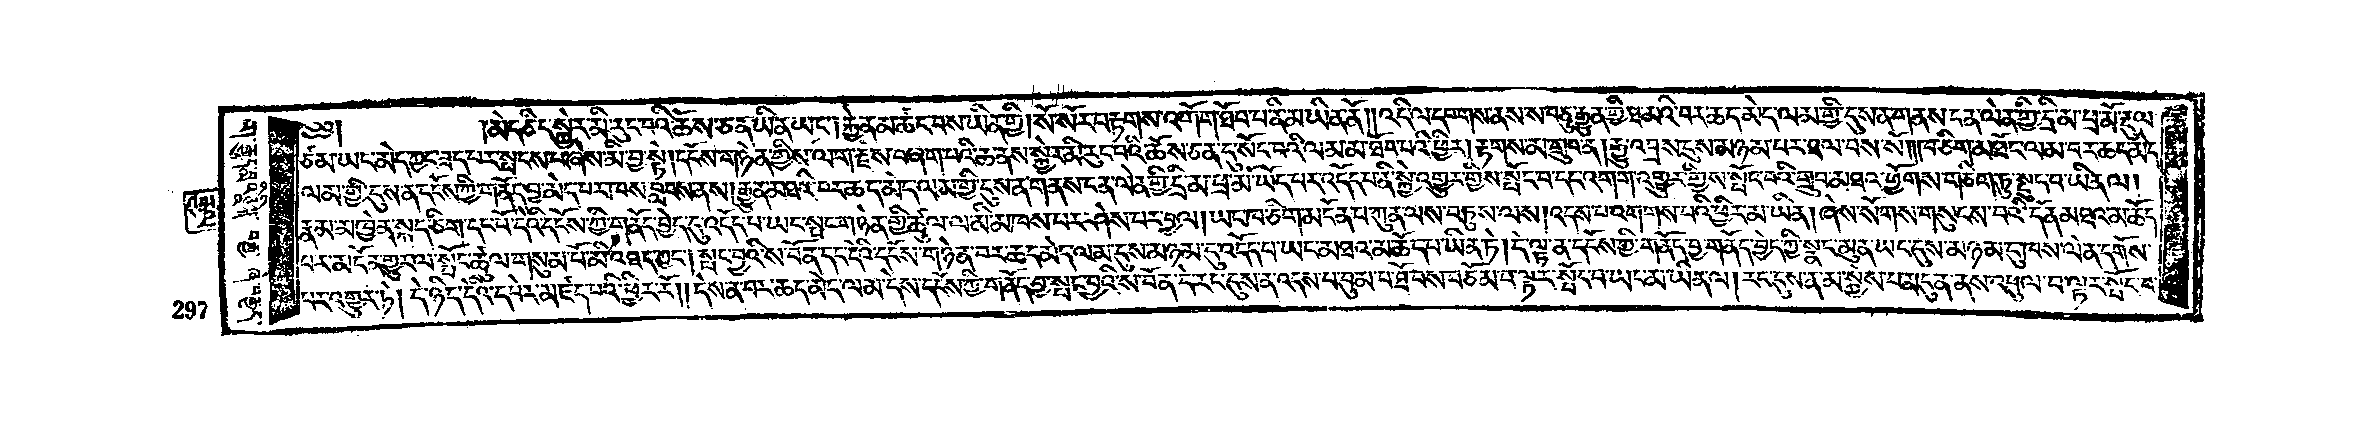༄༅། །མེད་ཅིང་སྐྱེར་མི་རུང་བའི་ཆོས་ཅན་ཡིན་ཡང་། རྐྱེན་མ་ཚང་བས་ཡིན་གྱི་།སོ་སོར་བརྟགས་འགོག་ཐོབ་པ་ནི་མ་ཡིན་ནོ། །འདི་ལ་དཔགས་ནས་ས་བཅུ་རྒྱུན་གྱི་ཐ་མའི་བར་ཆད་མེད་ལམ་གྱི་དུས་ན་གནས་ངན་ལེན་གྱི་དྲི་མ་ཕྲ་མོ་རྡུལ་
ཙམ་ཡང་མེད་ཀྱང་ཟད་པར་སྤངས་པ་ཞེས་མི་བྱ་སྟེ། དངོས་གཉེན་གྱིས་ལག་རྗེས་བཞག་པའི་ཆ་ནས་སྐྱེར་མི་རུང་བའི་ཆོས་ཅན་དུ་སོང་བའི་ལམ་མ་ཐོབ་པའི་ཕྱིར། རྟགས་མ་གྲུབ་ན། རྒྱུ་འབྲས་དྲུས་མཉམ་པར་ཐལ་པས་སོ། །ཁ་ཅིག་མཐོང་ལམ་བར་ཆད་མེད་
ལམ་གྱི་དུས་ན་དངོས་ཀྱི་གནོད་བྱ་མེད་པར་ཁས་བླབས་ནས། རྒྱུན་མཐའི་བར་ཆད་མེད་ལམ་གྱི་དུས་ན་གནས་ངན་ལེན་གྱི་དྲི་མ་ཕྲ་མོ་ཡོད་པར་འདོད་པ་ནི་སྐྱེ་འགྱུར་གྱིས་སྤོང་བ་དང་འགག་འགྱུར་གྱིས་སྤོང་བའི་གྲུབ་མཐའ་ཕྱོགས་གཅིག་ཏུ་སྡུད་པ་ཡིན་ལ།
རྣམ་མཁྱེན་སྐད་ཅིག་དང་པོ་དེའི་དངོས་ཀྱི་གནོད་བྱེད་དུ་འདོད་པ་ཡང་སྤངས་གཉེན་གྱི་ཚུལ་ལ་མི་མཁས་པར་ཤེས་པར་བྱ་ལ། ཡང་ཁ་ཅིག་མངོན་པ་ཀུན་ལས་བཏུས་ལས། འདས་པ་འགགས་པའི་ཕྱིར་མ་ཡིན། ཞེས་སོགས་གསུངས་པའི་དོན་མཐའ་མ་ཆོད་
པར་མངོན་གྱུར་ལ་སྤོང་ཚུལ་གསུམ་པོ་མི་འཐད་ཀྱང་། སྤང་བྱའི་ས་བོན་དང་དེའི་དངོས་གཉེན་བར་ཆད་མེད་ལམ་དུས་མཉམ་དུ་འདོད་པ་ཡང་མཐའ་མ་ཆོད་པ་ཡིན་ཏེ། དེ་ལྟ་ན་དངོས་ཀྱི་གནོད་བྱ་གནོད་བྱེད་ཀྱི་སྣང་མུན་ཡང་དུས་མཉམ་དུ་ཁས་ལེན་དགོས་
པར་འགྱུར་ཏེ། དེ་ཉིད་དེའི་དཔེར་མཛད་པའི་ཕྱིར་རོ། །དེས་ན་བར་ཆད་མེད་ལམ་དེས་དངོས་ཀྱི་གནོད་བྱ་སྤང་བྱའི་ས་བོན་དེ་རང་དུས་ན་འདས་པ་བུམ་པ་ཐོ་བས་བཅོམ་པ་ལྟར་སྤོང་བ་ཡང་མ་ཡིན་ལ། རང་དུས་ན་མ་སྐྱེས་པ་མདུན་ནས་འཕུལ་བ་ལྟར་སྤོང་བ་